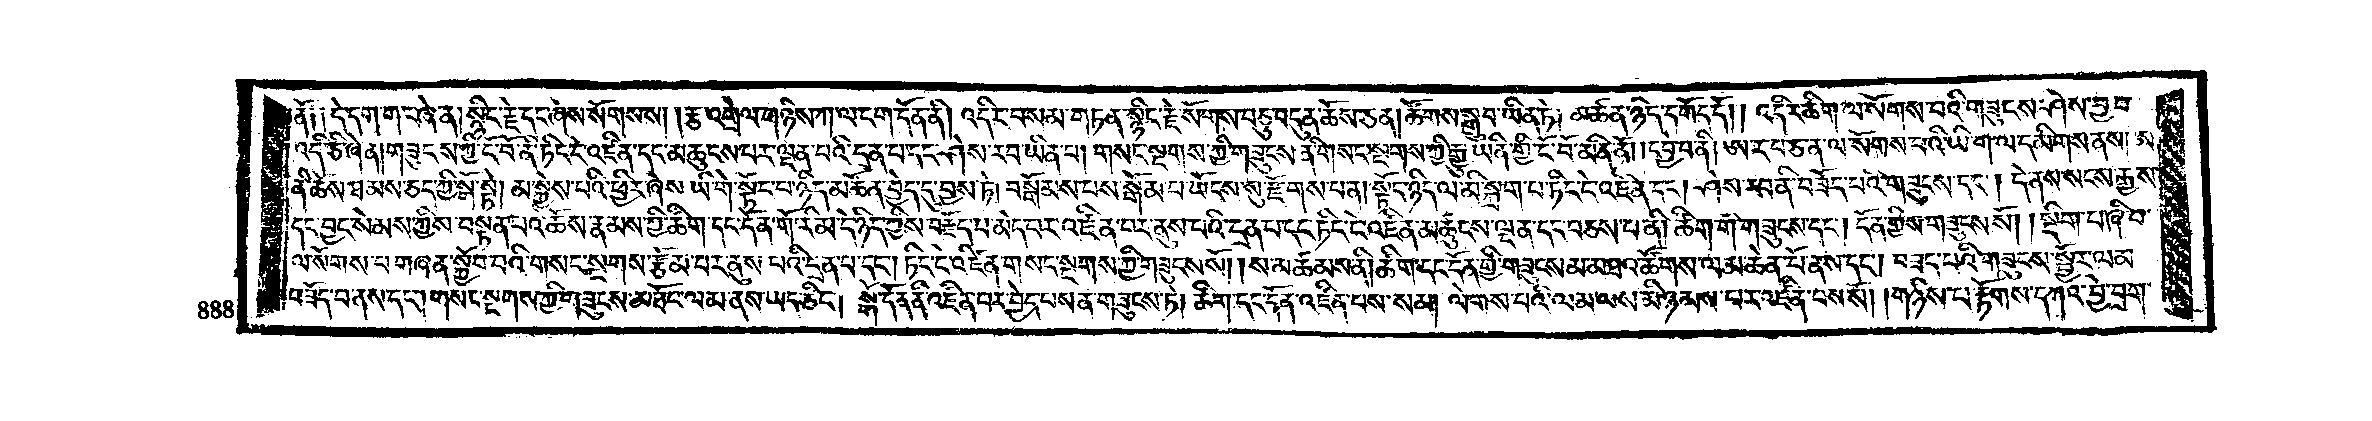ནོ༑ ༑དེ་དག་གང་ཞེ་ན། སྙིང་རྗེ་དང་ཞེས་སོགས་སོ། །རྩ་འགྲེལ་གཉིས་ཀ་ལ་ངག་དོན་ནི། འདིར་བསམ་གཏན་སྙིང་རྗེ་སོགས་བཅུ་བདུན་ཆོས་ཅན། ཚོགས་སྒྲུབ་ཡིན་ཏེ། མཚན་ཉིད་དགོད་དོ། །འདིར་ཚིག་ལ་སོགས་པའི་གཟུངས་ཤེས་བྱ་བ་
འདི་ཅི་ཞེ་ན། གཟུངས་ཀྱི་ངོ་བོ་ནི་ཏིང་ངེ་འཛིན་དང་མཚུངས་པར་ལྡན་པའི་དྲན་པ་དང་ཤེས་རབ་ཡིན་པ། གསང་སྔགས་ཀྱི་གཟུངས་ནི་གསང་སྔགས་ཀྱི་རྒྱུ་ཡིན་གྱི་ངོ་བོ་མིན་ནོ། །དབྱེ་བ་ནི། ཨ་ར་པ་ན་ཙ་ལ་སོགས་པའི་ཡི་གེ་ལ་དམིགས་ནས། ཨ་
ནི་ཆོས་ཐམས་ཅད་ཀྱི་སྒོ་སྟེ། མ་སྐྱེས་པའི་ཕྱིར་ཞེས་ཡི་གེ་སྟོང་པ་ཉིད་མཚོན་བྱེད་དུ་བྱས་ཏེ། བསྒོམས་པས་སྒོམ་པ་ཡོངས་སུ་རྫོགས་པ་ན། སྟོང་ཉིད་ལ་མི་སྐྲག་པ་ཏིང་ངེ་འཛིན་དང་། ཤེས་རབ་ནི་བཟོད་པའི་གཟུངས་དང་། དེ་ནས་སངས་རྒྱས་
དང་བྱང་སེམས་ཀྱིས་བསྟན་པའི་ཆོས་རྣམས་ཀྱི་ཚིག་དང་དོན་གོ་མིན་དེ་ཉིད་ཀྱིས་འྲྗོད་པ་མེད་པར་འཛིན་པར་ནུས་པའི་དྲན་པ་དང་ཏིང་ངེ་འཛིན་མཚུངས་ལྡན་དང་བཅས་པ་ནི། ཚིག་གི་གཟུངས་དང་། དོན་གྱིས་གཟུངས་སོ། །སྡིག་པ་ཞི་བ་
ལ་སོགས་པ་གཞན་སྐྱོབ་པའི་གསང་སྔགས་རྩོམ་པར་ནུས་པའི་དྲན་པ་དང་། ཏིང་ངེ་འཛིན་གསང་སྔགས་ཀྱི་གཟུངས་སོ། །ས་མཚམས་ནི། ཚིག་དང་དོན་གྱི་གཟུངས་མ་མཐའ་ཚོགས་ལམ་ཆེན་པོ་ནས་དང་། བཟད་པའི་གཟུངས་སྦྱོར་ལམ་
བཟོད་པ་ནས་དང་། གསང་སྔགས་ཀྱི་གཟུངས་མཐོང་ལམ་ནས་ཡོད་ཅིང་། སྒོ་དོན་ནི་འཛིན་པར་བྱེད་པས་ན་གཟུངས་ཏེ། ཚིག་དང་དོན་འཛིན་པས་སམ། ལེགས་པའི་ལམ་ལས་མི་ཉམས་པར་འཛིན་པས་སོ། །གཉིས་པ་རྟོགས་དཀའ་བྱེ་བྲག་